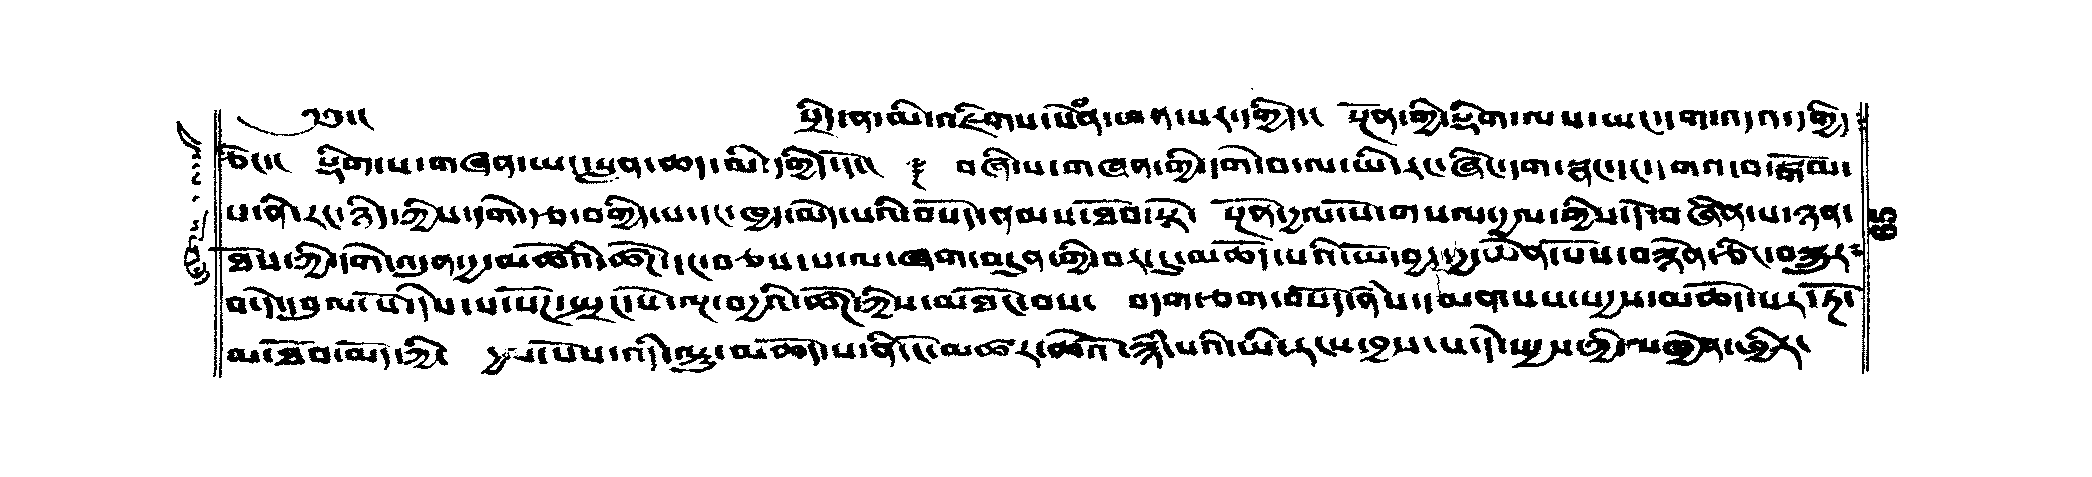སྲིད་ན་མི་འཇིགས་སེམས་ཅན་ཕན་པར་དགྱིད། སྔོན་གྱི་སྡིག་ལས་ཡང་དག་འདའ་དགྱིད་
ཅིང་། སྡིག་པ་གཞན་ཡང་སླན་ཆད་མི་དགྱིད་དོ། ༈ བཞི་པ་གཞན་གྱི་དགེ་བ་ལ་ཡི་རང་ཞིང་དག་སྣང་དང་དགའ་བ་སྒོམ་
པ་ནི་རང་ཉིད་ཀྱིས་དགེ་རྩ་བགྱིད་པ་དང་ཁྱད་མེད་ཿཔའི་བསོད་ནམས་ཐོབ་སྟེ།སྔོན་རྒྱལ་པོ་གསལ་རྒྱལ་གྱིད་དེ་བཞིན་པ་ཉན་
ཐོས་ཀྱི་དགེ་འདུན་རྒྱ་མཚོའི་ཚོགས་དང་བཅས་པ་ལ་ཞག་བདུན་གྱི་བར་དུ་མཆོད་པའི་ཡོ་བྱད་རྒྱ་ཆེན་པོས་བསྙེན་ཅིང་བསྐུར་
བ་དེ་དབུལ་པོ་དེས་པ་སོགས་སྤྲང་པོ་ལྔ་བརྒྱའི་ཚོགས་ཀྱིས་མཐོང་བས། བདག་ཅག་བསོད་ནམས་དམན་པས་སངས་རྒྱས་མཆོད་པར་རྔོ་
མ་ཐོབ་མོད་ཀྱི། རྒྱལ་པོས་འདི་ལྟ་བུ་མཆོད་པ་ནི་ངོ་མཚར་ཆེའོ་སྙམ་པའི་ཡི་རངས་བྱས་པ་དེ་སངས་རྒྱས་ཀྱི་མཁྱེན་ཕྱིར་